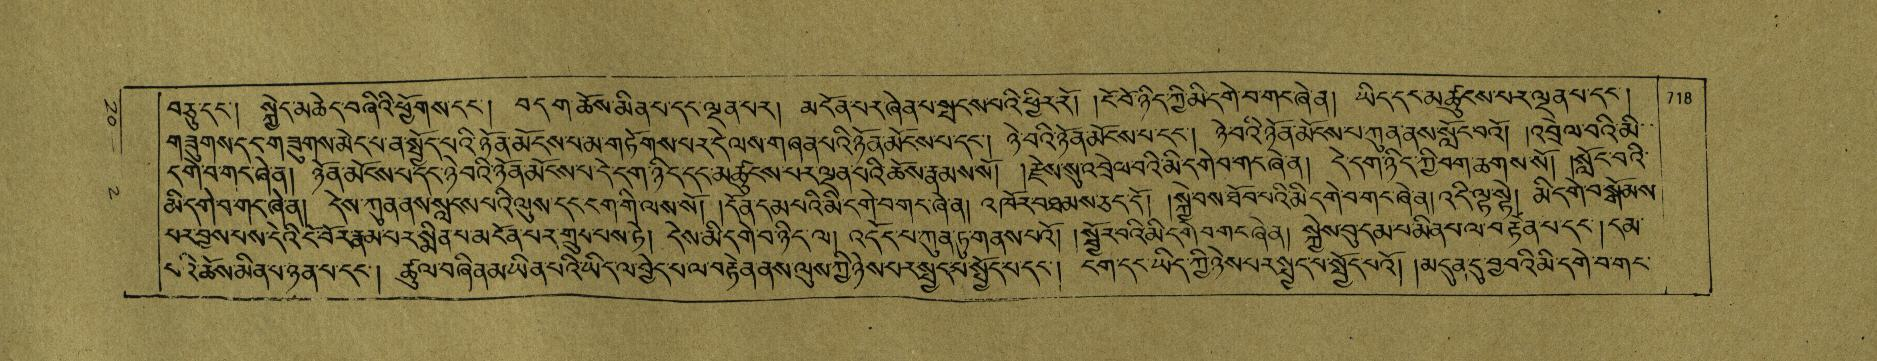བཅུ་དང་། སྐྱེད་མཆེད་བཞིའི་ཕྱོགས་དང་། བདག་ཆོས་མིན་པ་དང་ལྡན་པར། མངོན་པར་ཞེན་པ་སྤངས་པའི་ཕྱིར་རོ། །གནོ་བོ་ཉིད་ཀྱི་མི་དགེ་བ་གང་ཞེ་ན། ཡིད་དང་མཚུངས་པའི་ལྡན་པ་དང་།
གཟུགས་དང་གཟུགས་མེད་པ་ན་སྤྱོད་པའི་ཉོན་མོངས་པ་མ་གཏོགས་པར་དེ་ལས་གཞན་པའི་ཉོན་མོངས་པ་དང་། ཉེ་བའི་ཉོན་མོངས་པ་དང་། ཉེ་བའི་ཉོན་མོངས་པ་ཀུན་ནས་སློང་བའོ། །འབྲེལ་བའི་མི་
དགེ་བ་གང་ཞེ་ན། ཉོན་མོངས་པ་དང་ཉེ་བའི་ཉོན་མོངས་པ་དེ་དག་ཉིད་དང་མཚུངས་པར་ལྡན་པའི་ཆོས་རྣམས་སོ། །རྗེས་སུ་འབྲེལ་བའི་མི་དགེ་བ་གང་ཞེ་ན། དེ་དག་ཉིད་ཀྱི་བག་ཆགས་སོ། །སློང་བའི་
མི་དགེ་བ་གང་ཞེ་ན། དེས་ཀུན་ནས་སླངས་པའི་ལུས་དང་ངག་གི་ལས་སོ། །དོན་དམ་པའི་མི་དགེ་བ་གང་ཞེ་ན། འཁོར་བ་ཐམས་ཅད་དོ། །སྐྱབས་ཐོབ་པའི་མི་དགེ་བ་གང་ཞེན་ཨ། འདི་ལྟ་སྟེ། མི་དགེ་བ་སྒོམས་
པར་བྱས་པས་དེའི་ངོ་བོར་རྣམ་པར་སྨིན་པ་མངོན་པར་གྲུབ་པས་ཏེ། དེས་མི་དགེ་བ་ཉིད་ལ། འདོད་པ་ཀུན་ཏུ་གནས་པའོ། །སྦྱོར་བའི་མི་དགེ་བ་གང་ཞེ་ན། སྐྱེས་བུ་དམ་པ་མིན་པ་ལ་བརྟེན་པ་དང་། དམ་
པའི་ཆོས་མིན་པ་ཉན་པ་དང་། ཚུལ་བཞིན་མ་ཡིན་པའི་ཡིད་ལ་བྱེད་པ་ལ་བརྟེན་ནས་ལུས་ཀྱི་ཉེས་པར་སྤྱད་པ་སྤྱོད་པ་དང་། ངག་དང་ཡིད་ཀྱི་ཉེས་པར་སྤྱད་པ་སྤྱོད་པའོ། །མདུན་དུ་བྱ་བའི་མི་དགེ་བ་གང་